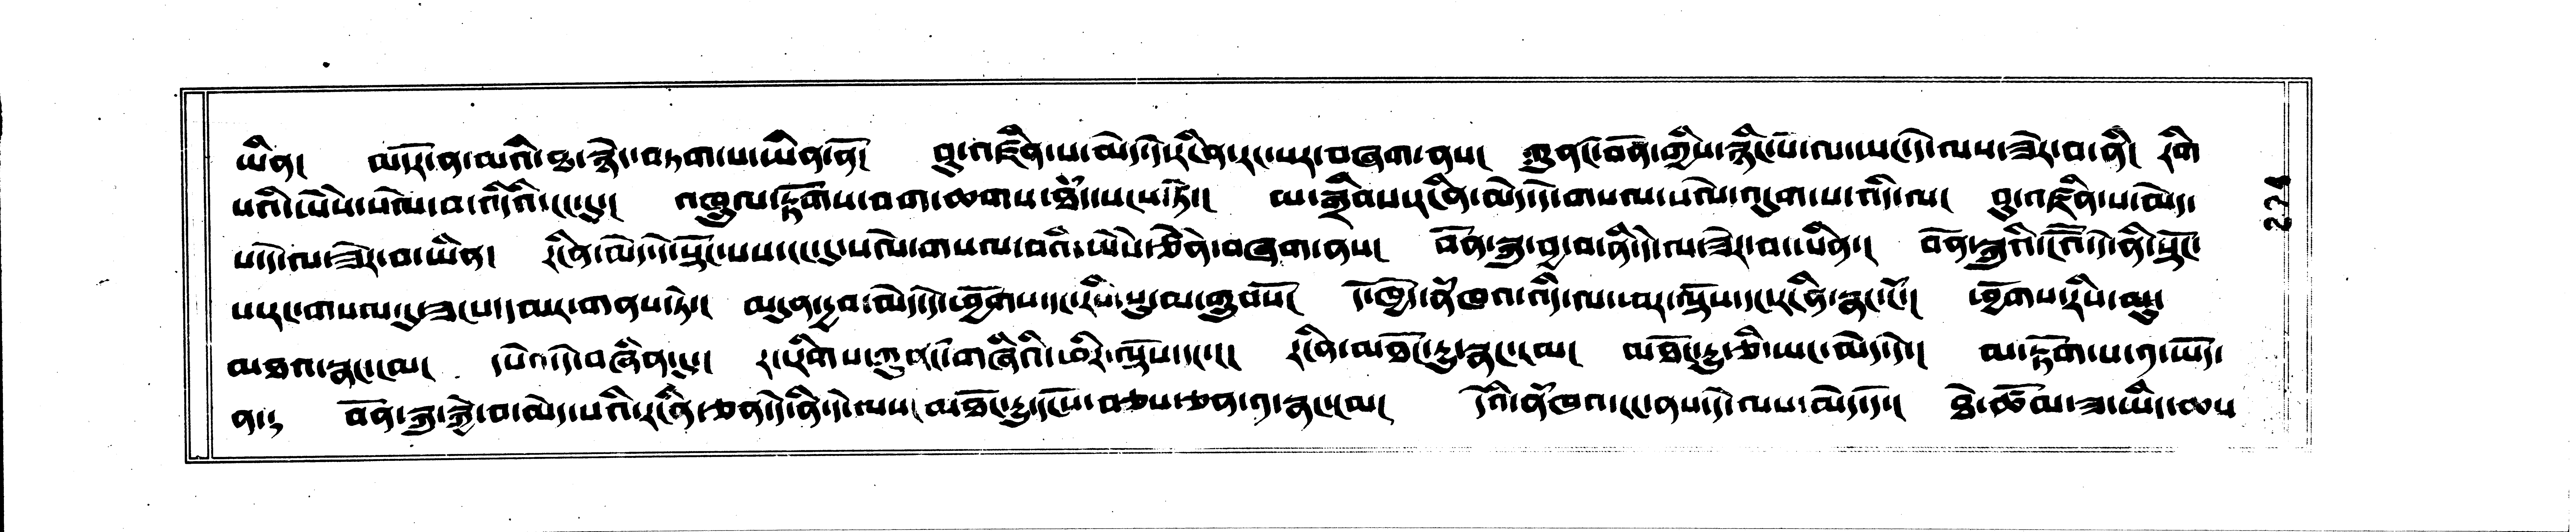ཡིན། མདོར་ན་མའི་ཐ་སྙད་བཏགས་པ་ཡིན་ནོ། བུ་འཛིན་པ་མེད་པ་དེ་རང་སོར་བཞག་ན། ཀུན་བཟང་བོན་གྱིས་༼གྱི༽སྙིང་པོ་ཡང་དེ་ལས་མེད་དོ་ཟེར་བ་ནི། རིག་
པའི་ཡེ་ཤེས་སལེ་བ་འདིའི་ངང་དུ། འཁྲུལ་རྟོག་བག་ཆགས་ཐམས་ཅད་སངས་ཏེ། མ་སྒྲིབ་རང་བཞིན་མེད་དེ་གསལ་སལེ་འདུག་པ་འདི་ལ། བུ་འཛིན་པ་མེད་
པ་ནི་དེ་ལས་ཟེར་བ་ཡིན་ནོ། རང་བཞིན་མེད་དེ་སྟོང་པའི་ངང་དུ་སལེ་གསལ་བའི་ཡེ་ཤེས་ཙེན་ནེ་བཞག་ན། བོན་སྐུ་བྱ་བ་ནི་དེ་ལས་ཟེར་བ་ཡིན་ནོ། བོན་སྐུའི་ངོའོ་འདི་ནི་སྟོང་
པ་རང་གསལ་དུ་ཟངས་མར་གནས་ཏེ། མདུན་རྒྱབ་མེད་དེ་ཕྱོགས་དང་རིས་སུ་མ་གྲུབ་པའོ། ད་ཁྱོས་ནམ་མཁའ་འདི་ལ་ཕར་ལྟོས་དང་། རང་བཞིན་སྣང་ངམ་ཕྱོགས་རིས་མུ་
མཐའ་སྣང་ངམ། ཕྱི་ནང་འདུན་རྒྱབ་སྣང་ངམ། དཔེ་དེ་བཞིན་དུ། རང་གིས་ཀུན་གཞི་འདི་ལ་ཕྱིར་ལྟོས་དང་། རང་བཞིན་མཐོང་རྒྱུ་སྣང་ངམ། མཐོང་རྒྱུ་ཅི་ཡང་མེད་དེ། མི་རྟོག་པ་གཅིག་དུ་འདུག་
ན། བོན་སྐུ་སྐྱེ་བ་མེད་པའི་རང་བཞིན་ཅེན་‘‘ཅན”འདི་ནི། དེ་ལས་མེད་དེ་ཐེ་ཚོམ་མ་ཟ། ཡིད་ཆེས་